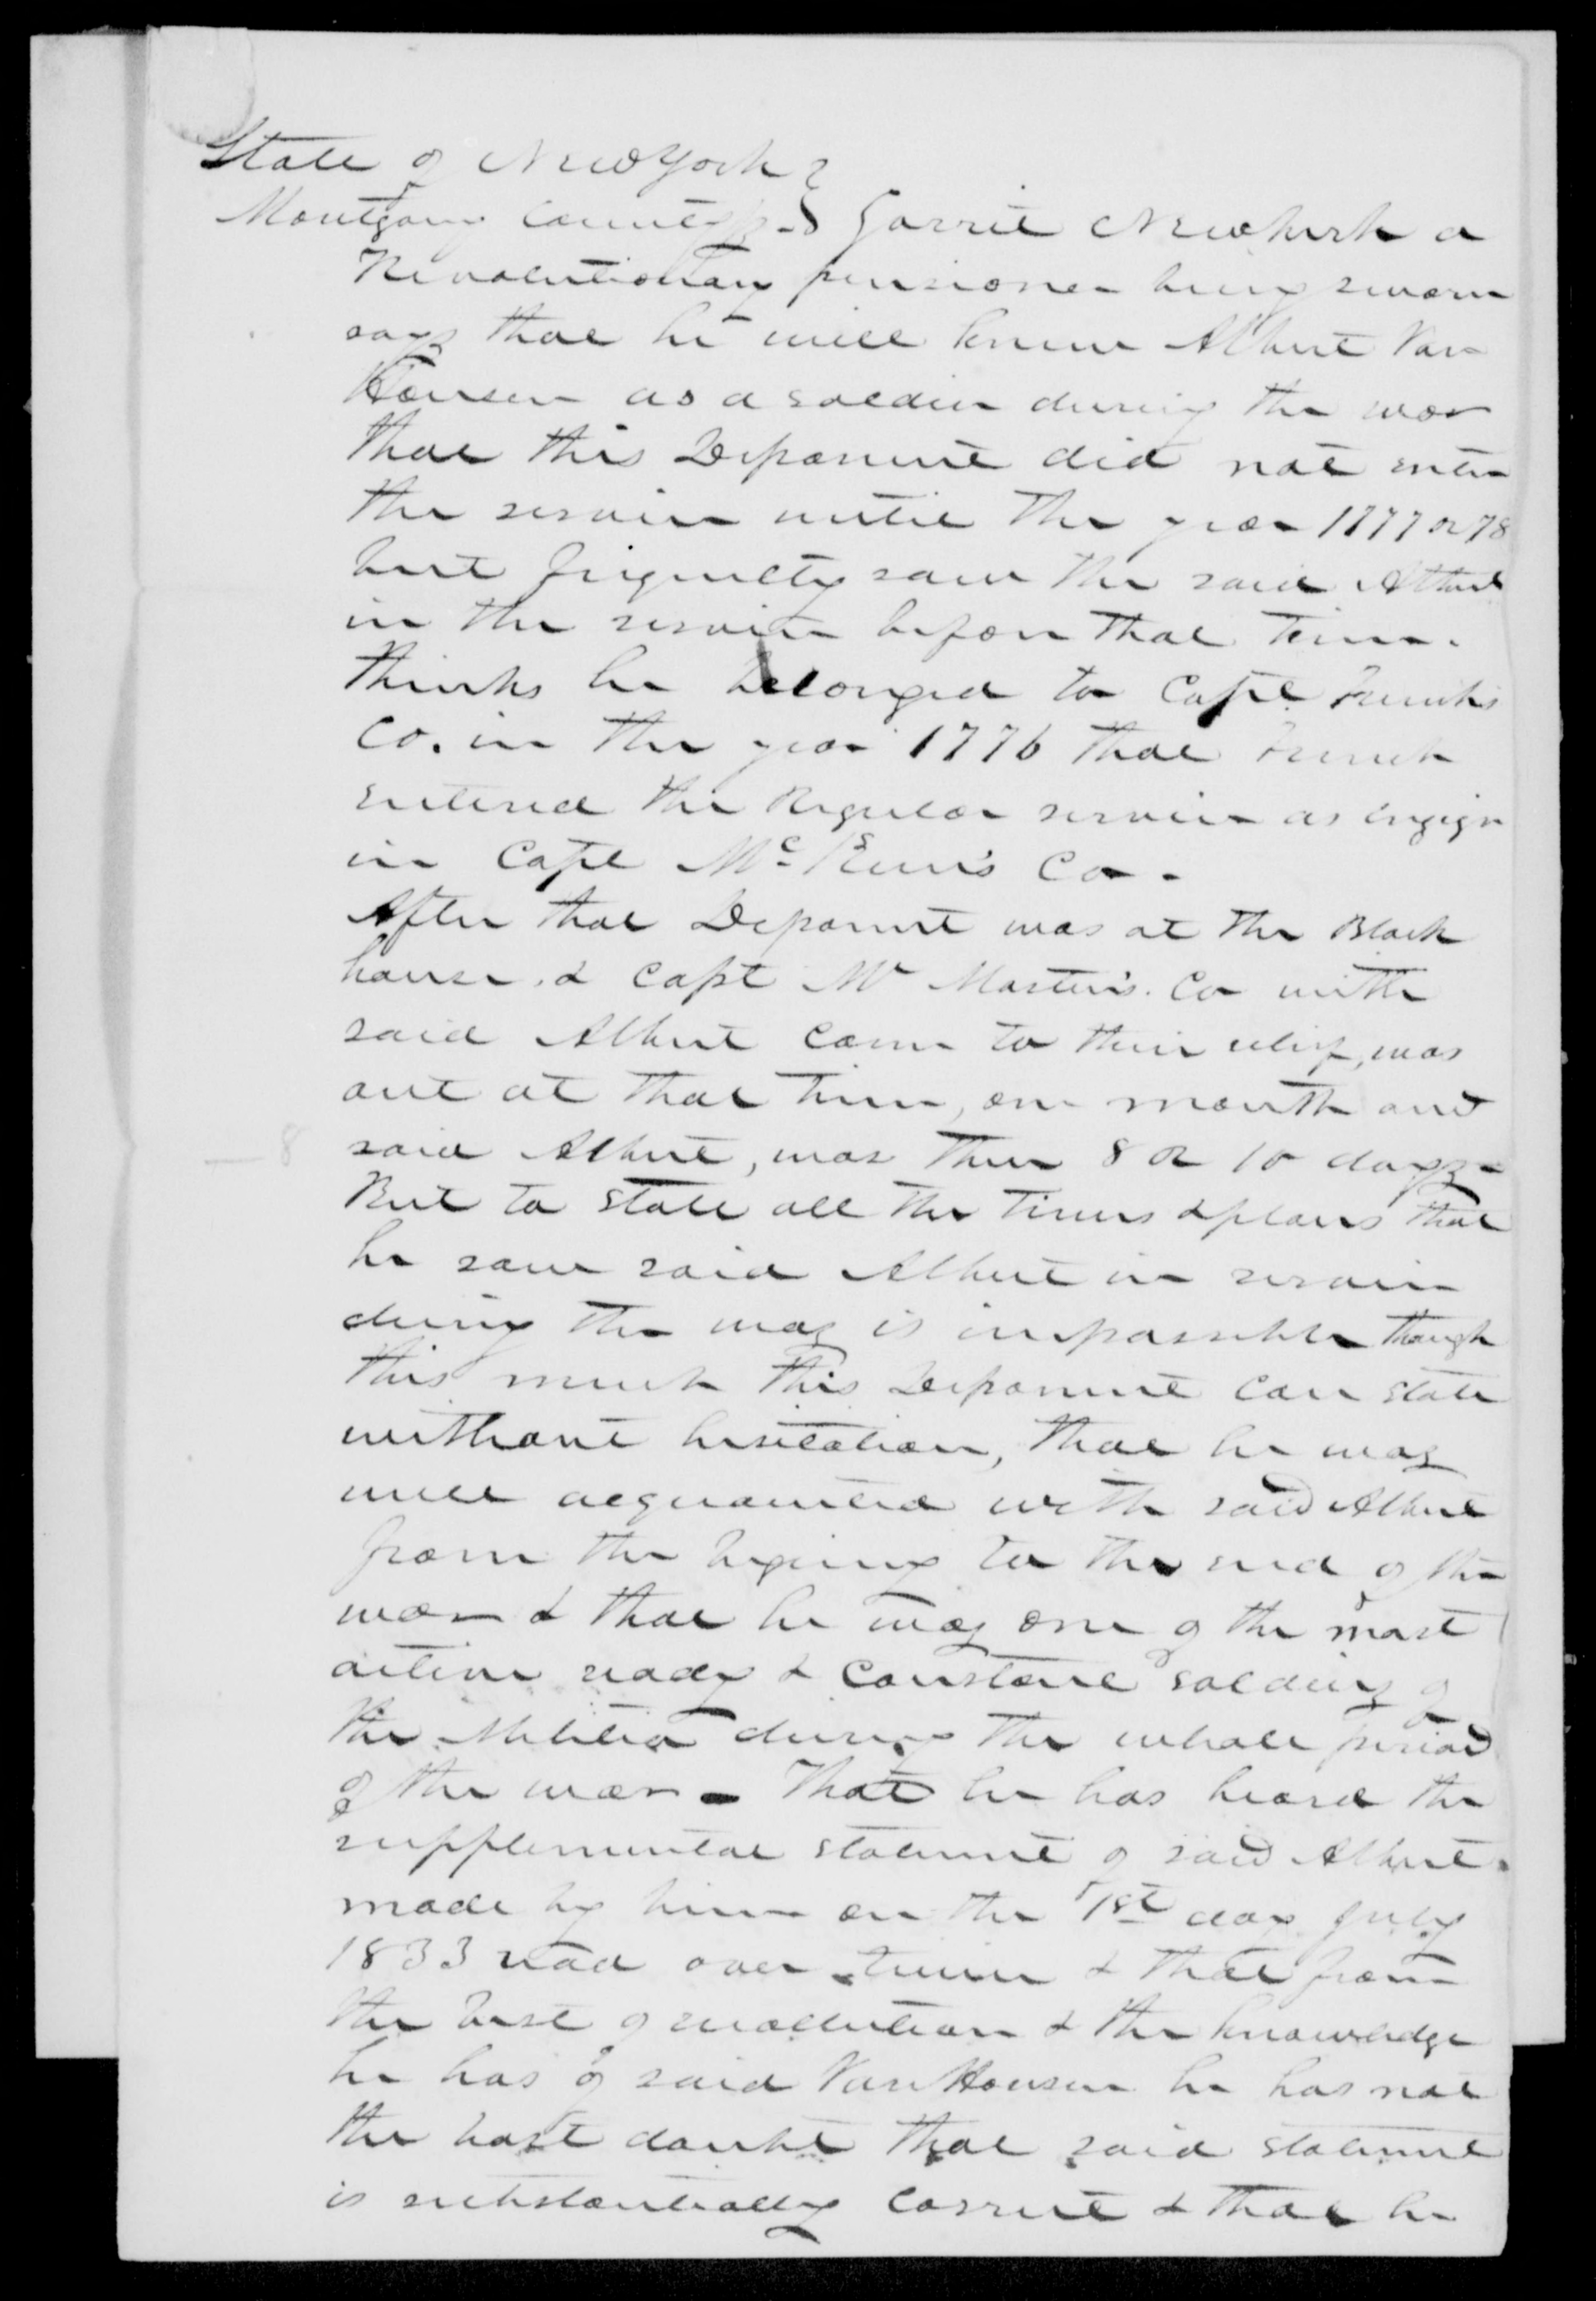State of New York 
Montgomery County } Garrit Newkirk a Revolutionary pensioner being sworn says that he well knew Albert Van Housen as a soldier during the war that this Deponent did not enter the service until the year 1777 or 78 but frequently saw the said Albert in the service before that time. thinks he belonged to Cape Frenchs Co. in the year 1776 that French entered the Regular service as Ensign in Capt McKean's Co. 
After that Deponent was at the Block house, & Capt McMaster’s Co with said Albert came to their relief, was out at that time, one month and said Albert, was there 8 or 10 days - But to state all the times & places that he saw said Albert in service during the war is impossible though this much this Deponent can state without hesitation, that he was well acquainted with said Albert from the beginning to the end of the war & that he was one of the most active ready & constane soldiers of the Militia during the whole period of the war - That he has heard the supplemental statement of said Albert made by him on the 1st day July 1833 read over twice & that from the best of recollection & the knowledge he has of said Van Housen he has not the least doubt that said statement is substantially correct & that he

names: Albert, Albert, Garrit Newkirk, Albert, Albert, Van Housen, Albert, Albert Van Housen, Albert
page: 53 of 57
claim: survivor's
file: S. 28,925, Albert Van Housen, New York